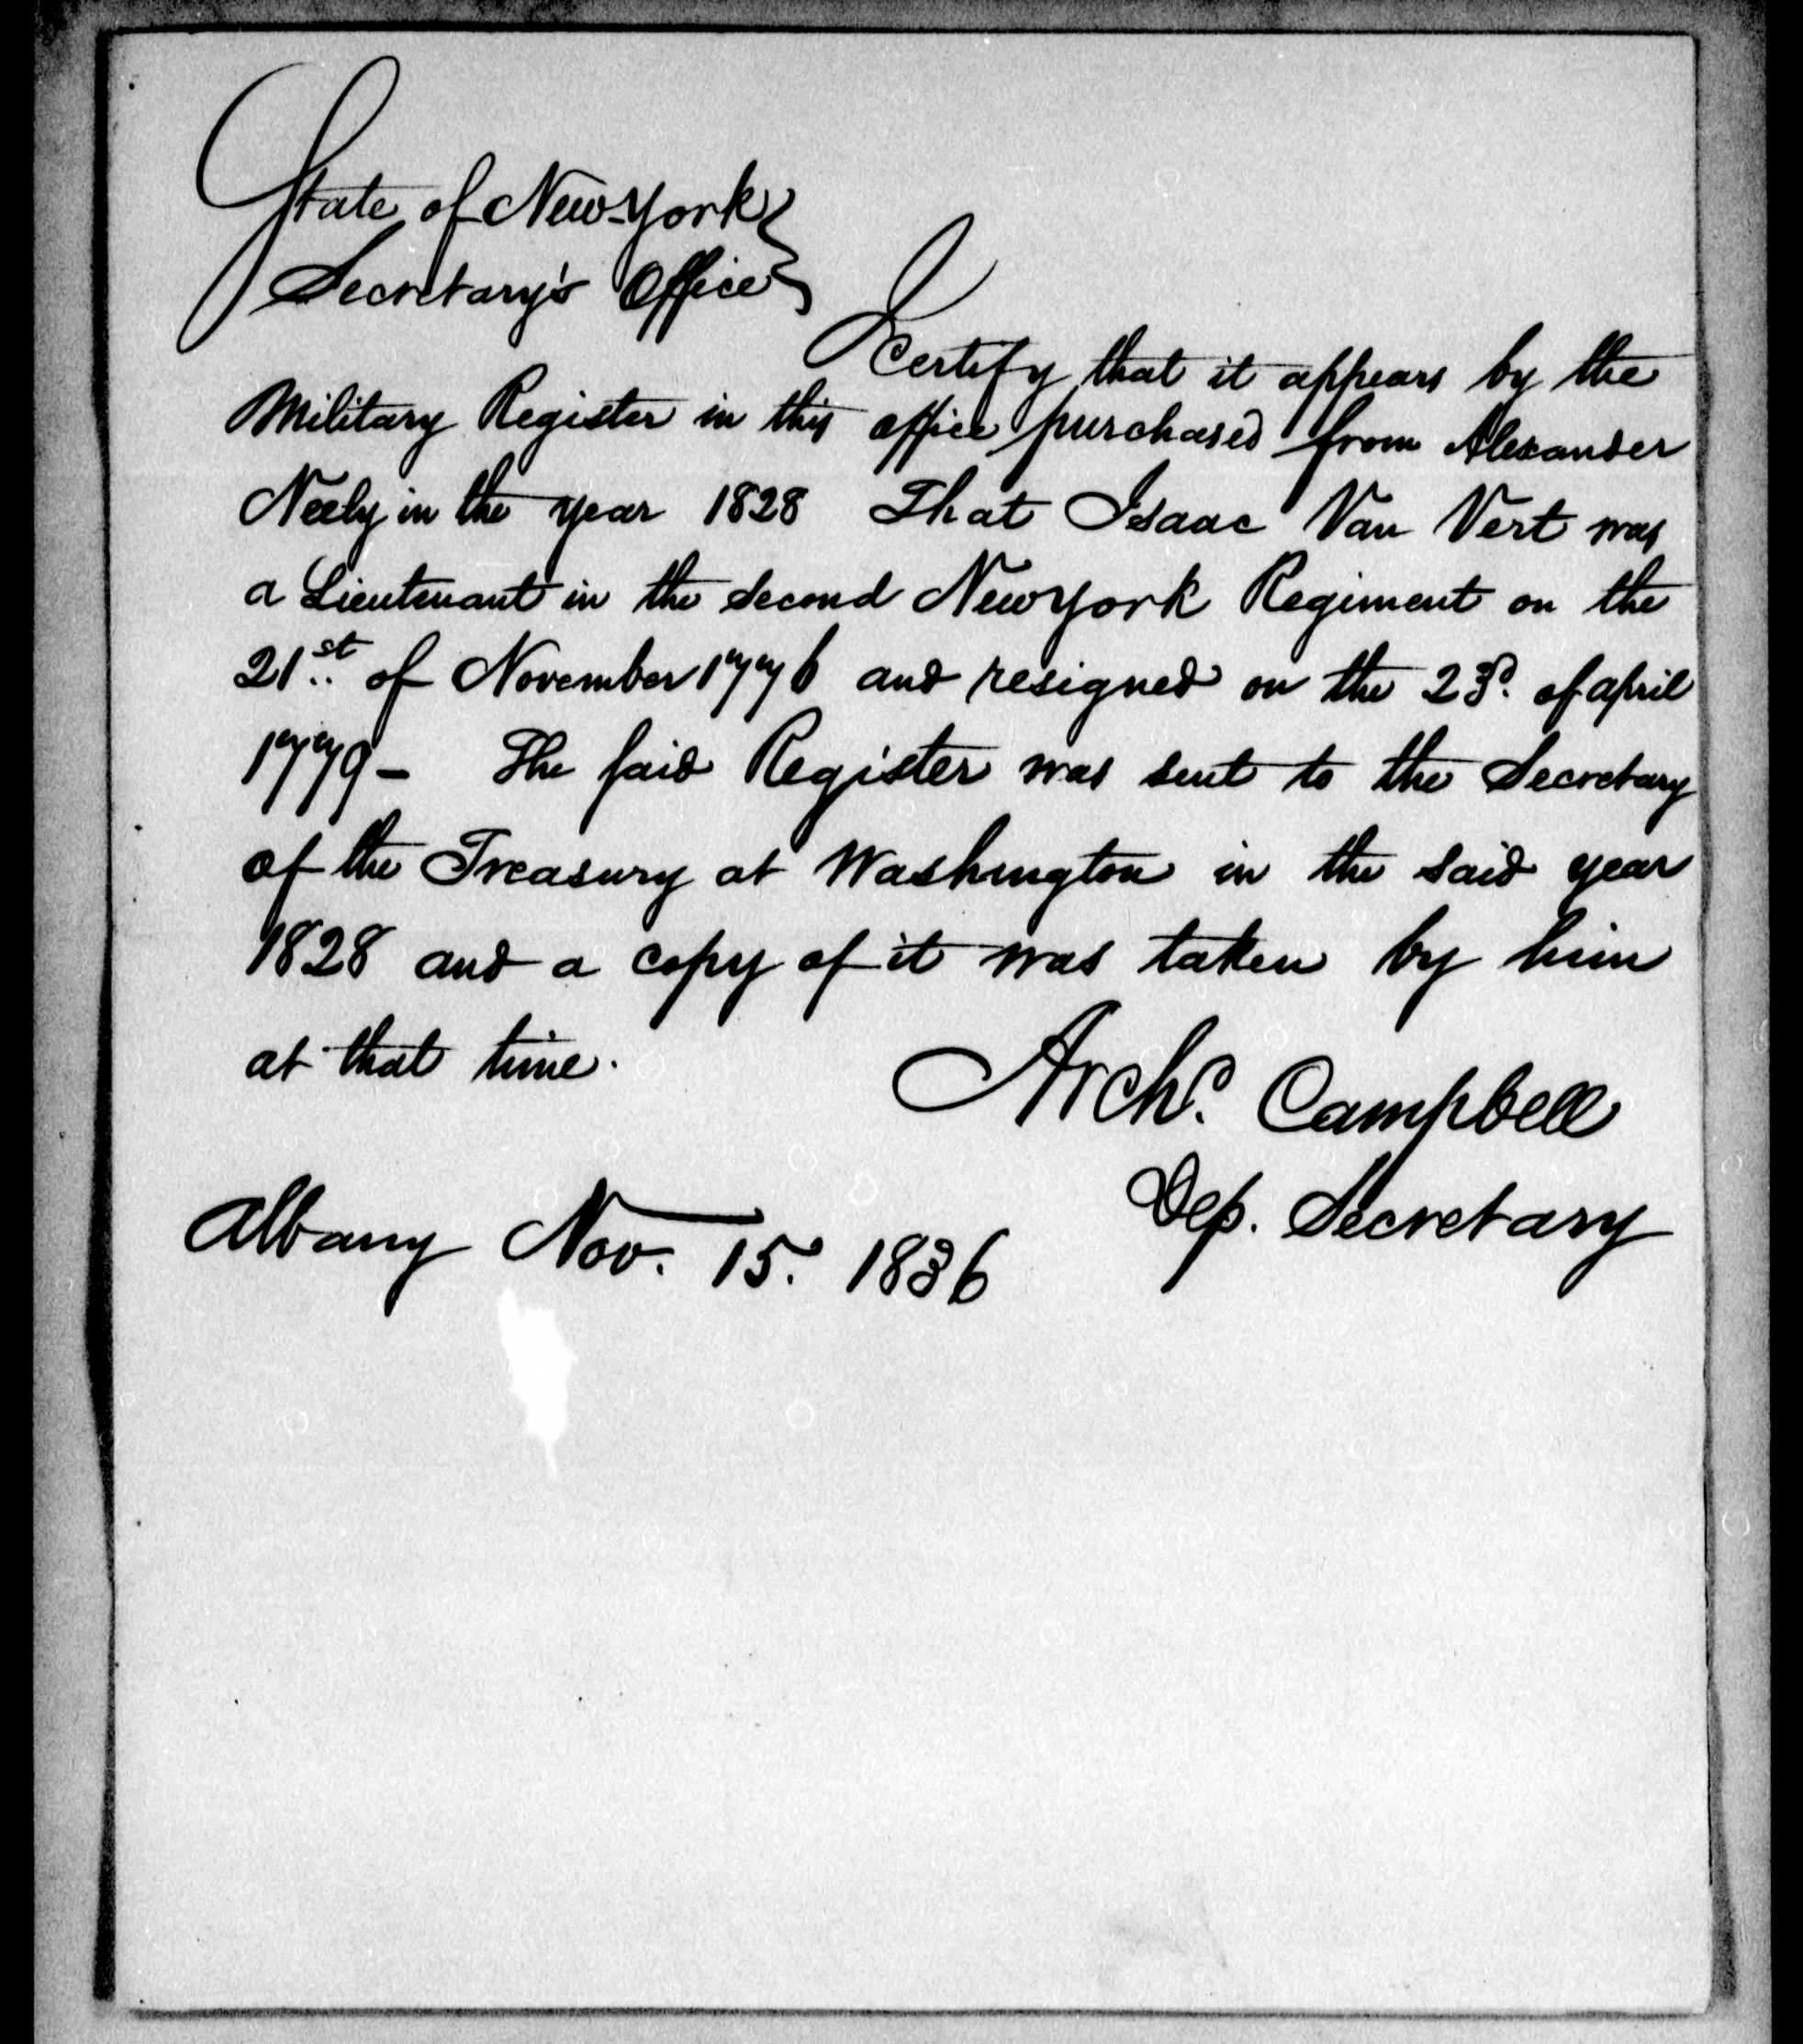State of New York 
Secretary's Office }
I certify that it appears by the Military Register in this office purchased from Alexander Neely in the year 1828 that Isaac Van Vert [Wart] was a Lieutenant in the second New York Regiment on the 21st of November 1776 and resigned on the 23d of April 1779 - The said Register was sent to the Secretary of the Treasury at Washington in the said year 1828 and a copy of it was taken by him at that time 
[signed] Archd Campbell Dep. Secretary

Albany Nov. 15. 1836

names: Alexander Neely, Archd Campbell, Isaac Van Vert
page: 47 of 102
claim: widow's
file: W. 18239, Isaac Van Wart, New York